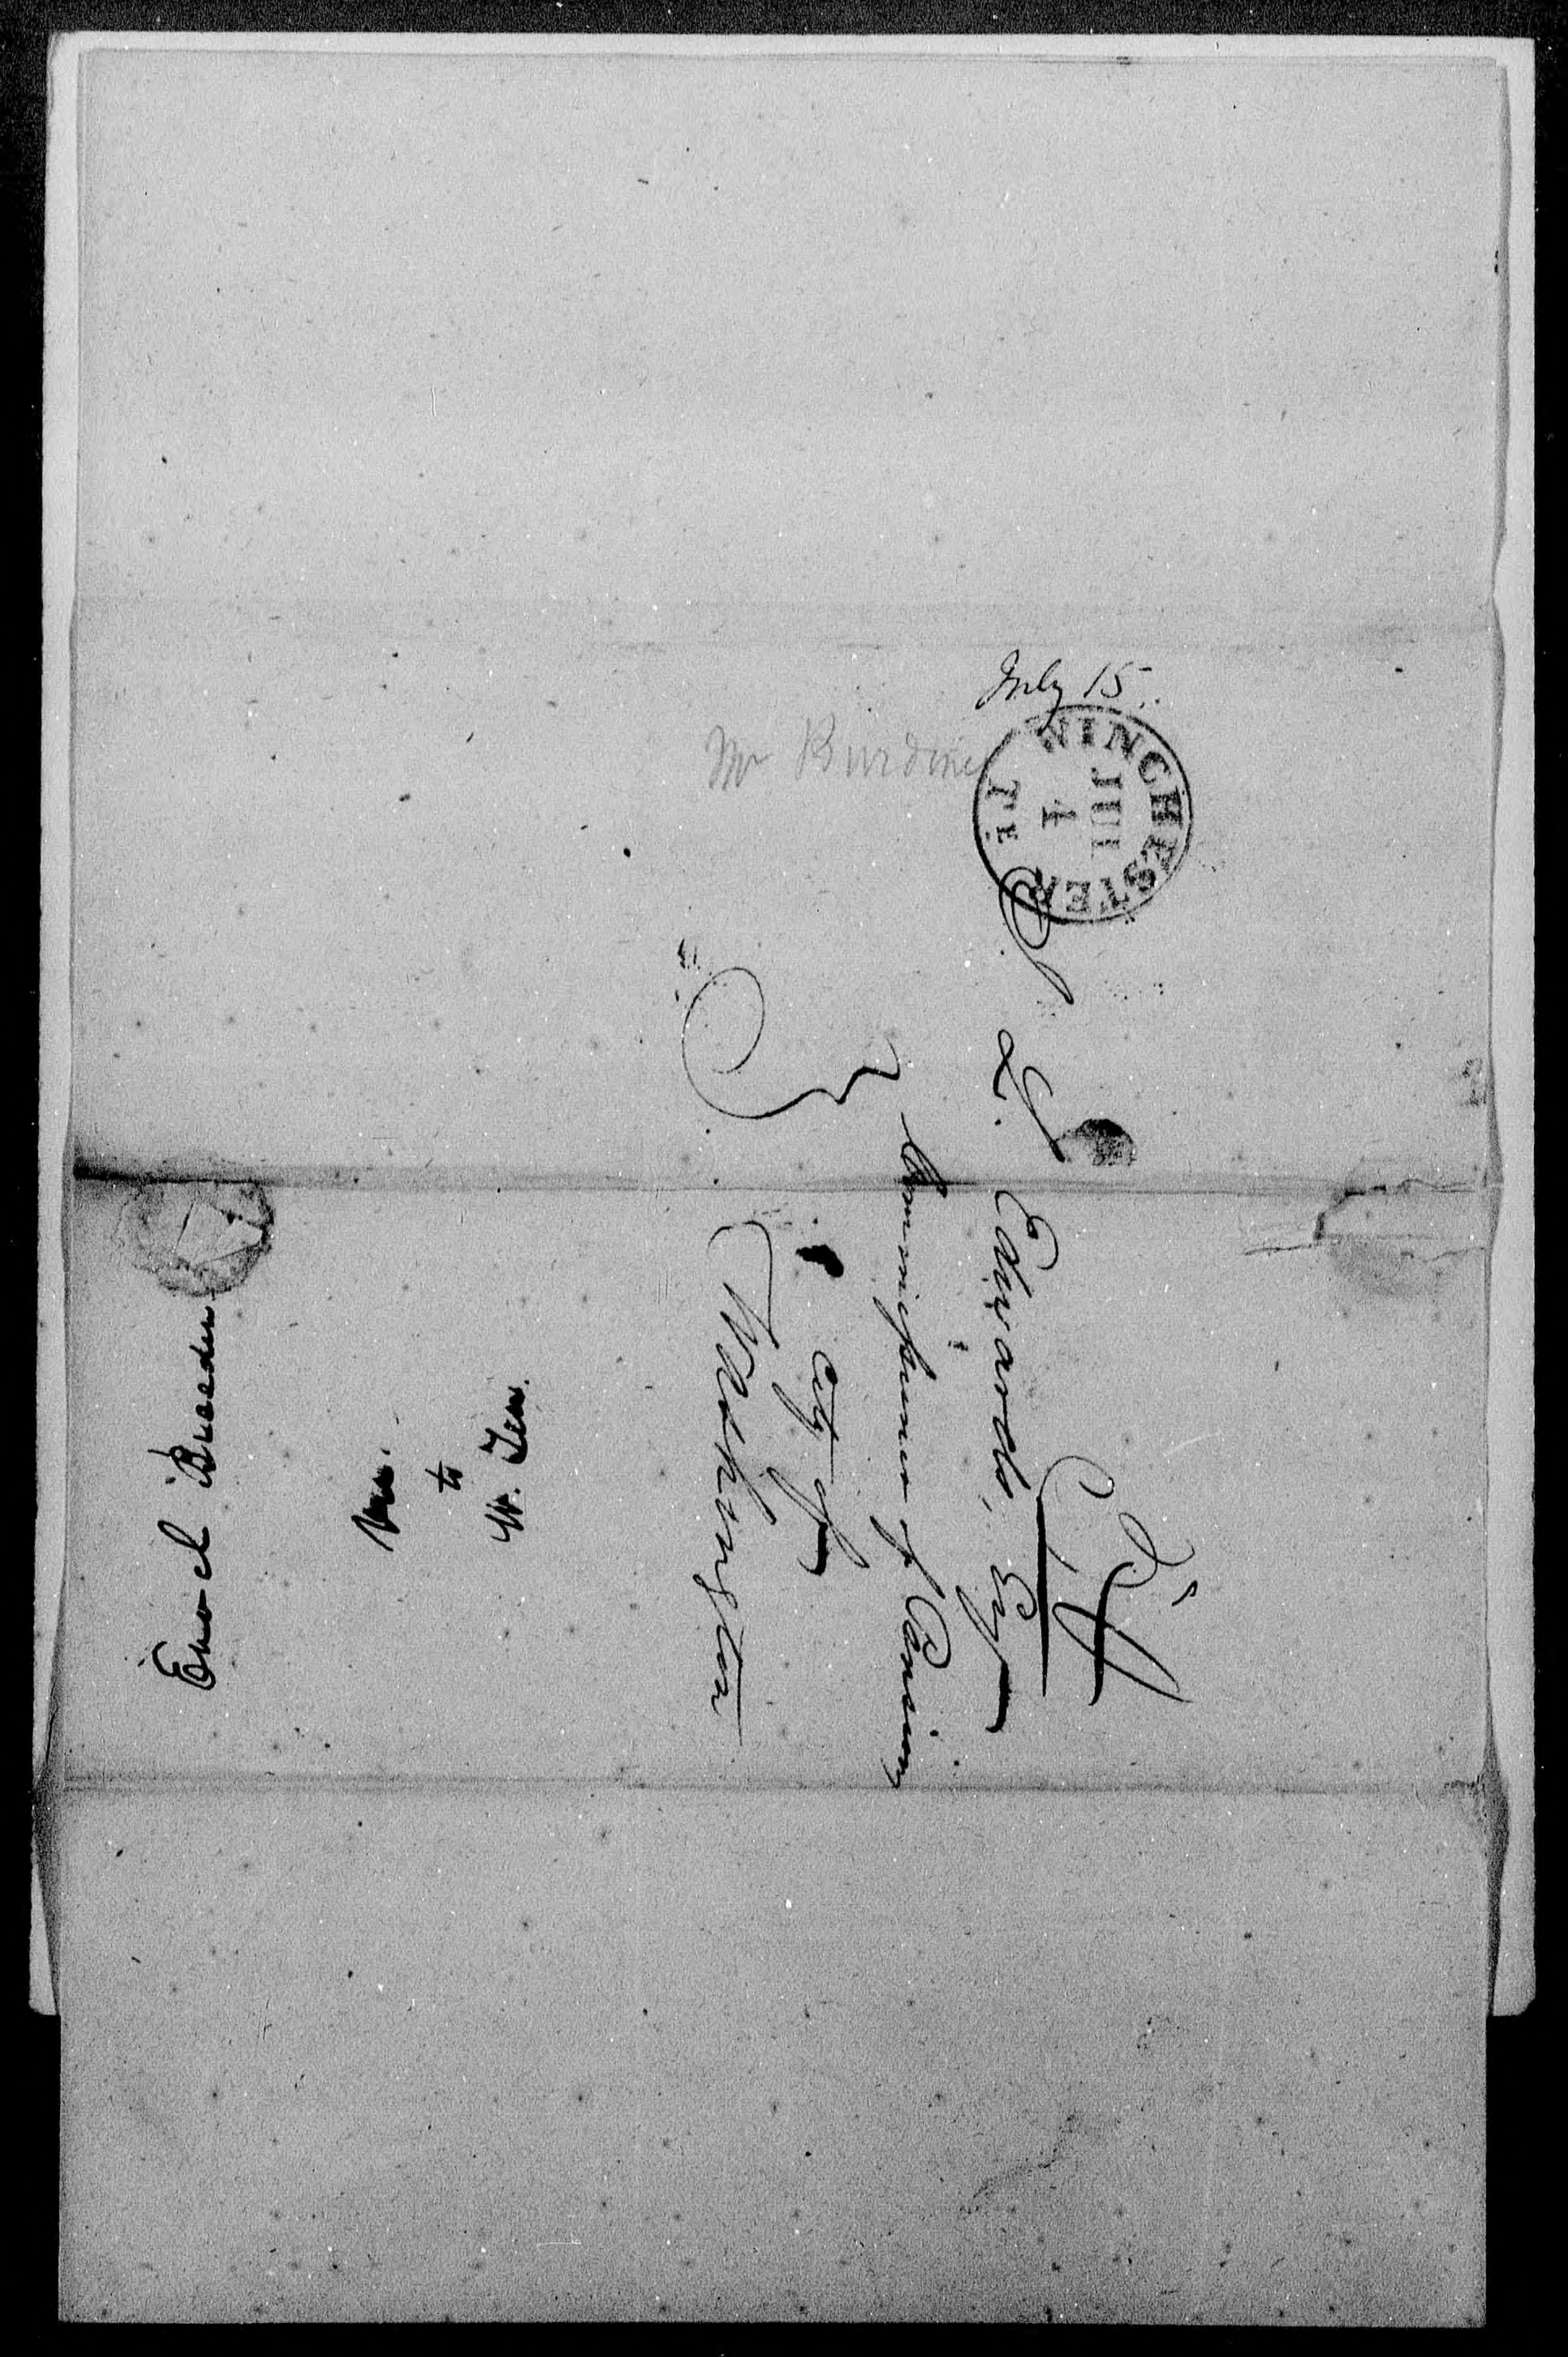July 15
Winchester July 4 TE
Mr Breeden

Enoch Breeden 
[?]
to
W. Tenn.

J. L. Edwards, Esq
Commissioner of Pernsiibs 
City of
Washington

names: Burdine, J L Edwards, Enoch Breeden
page: 17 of 27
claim: survivor's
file: S. 1747, Enoch Breeden, Va.